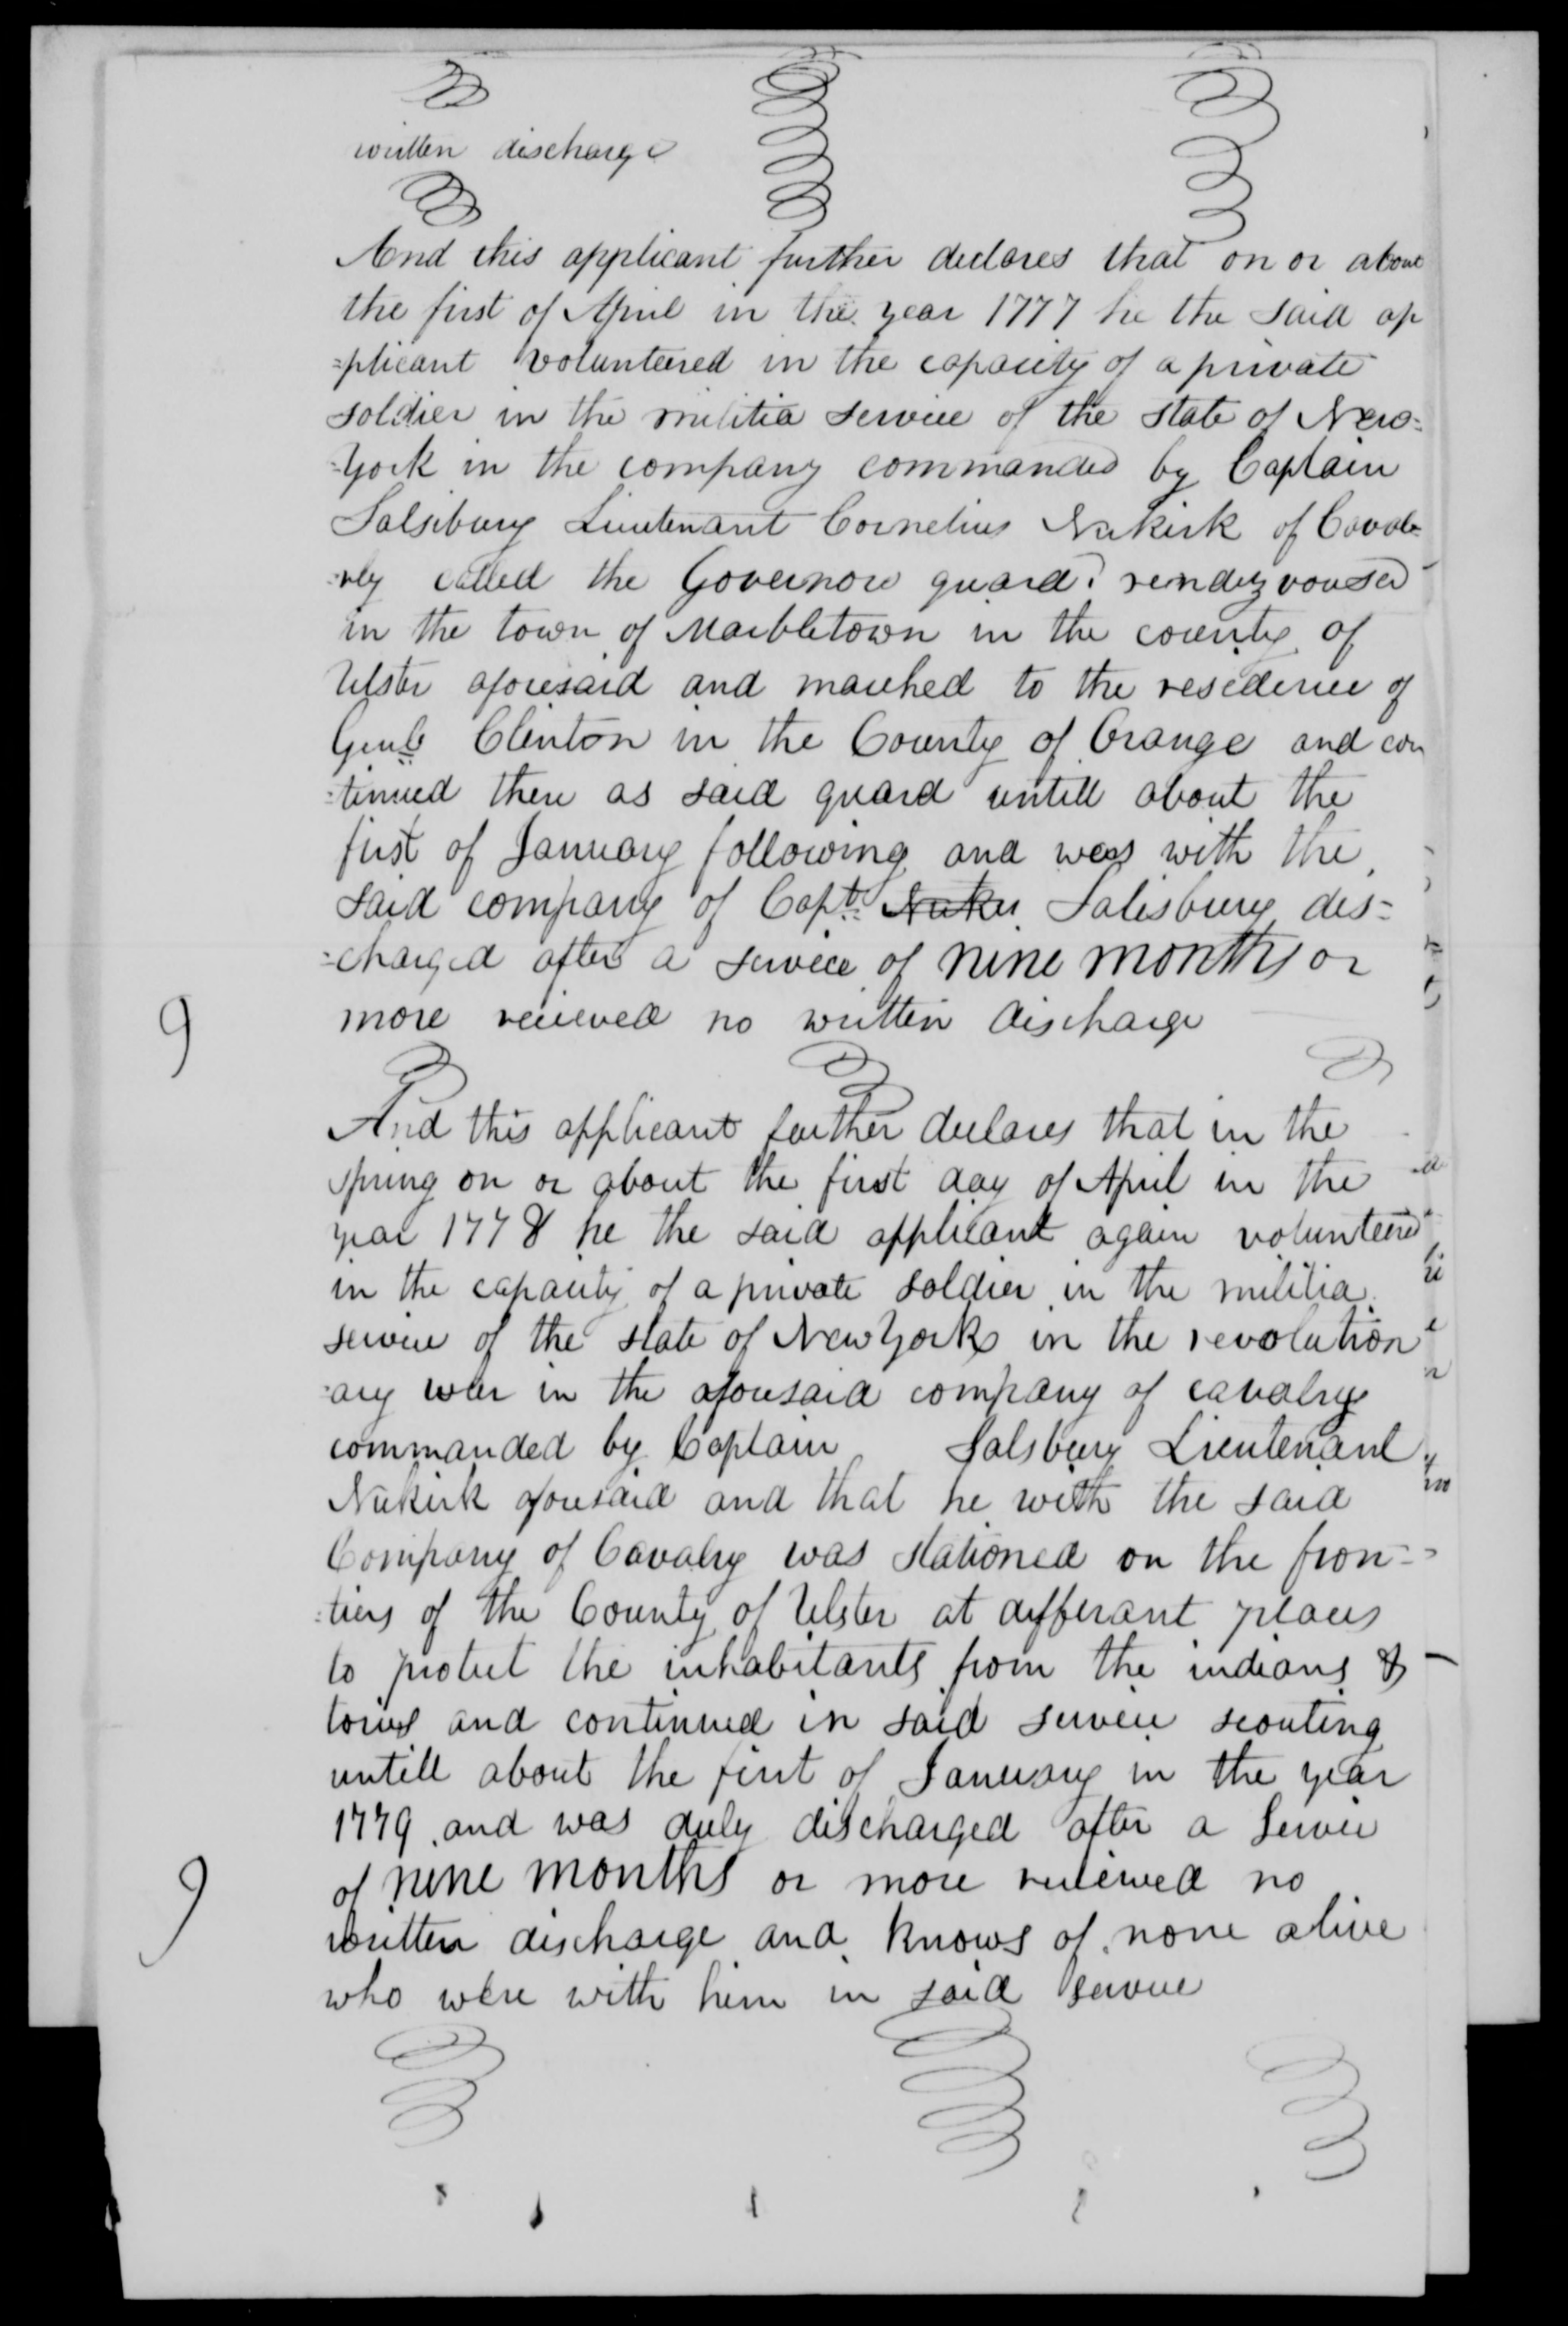written discharge.

And this applicant further declares that on or about
the first of April in the year 1777 he the said applicant 
volunteered in the capacity of a private
soldier in the militia service of the State of New York
in the company commanded by Captain
Salisbury. Lieutenant Cornelius Nukirk of Calvary
called the Governor's guard rendezvoused 
in the town of Marbletown in the County of
Ulster aforesaid and marched to the residence of
General Clinton in the County of Orange and continued
there as said guard untill about the
first of January following and was with the
said company of Capt James Salisbury, discharged
 after a service of nine months or
more received no written discharge.
-
And this applicant further declares that in the
spring on or about the first day of April in the
year 1778 he the said applicant again volunteered
in the capacity of a private soldier in the militia
service of the State of New York in the Revolutionary
War in the aforesaid company of cavalry
commanded by Captain Sailsbury Lieutenant
Nukirk aforesaid and that he with the said
Company of Cavalry was stationed on the frontiers
of the County of Ulster at different places
to protect the inhabitants from the Indians &
tories and continued in said service scouting
untill about the first of January in the year
1779, and was duly discharged after a service
of nine months or more believed no
written discharge and knows of none alive
who were with him in said service.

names: [BLANK] Clinton; [BLANK] Nukirk; [BLANK] Salsibury; Cornelius Nukirk; [BLANK] Salsbury; [BLANK] Salisbury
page: 5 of 29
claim: survivor's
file: S. 11415, for Aldert Smedes, New York